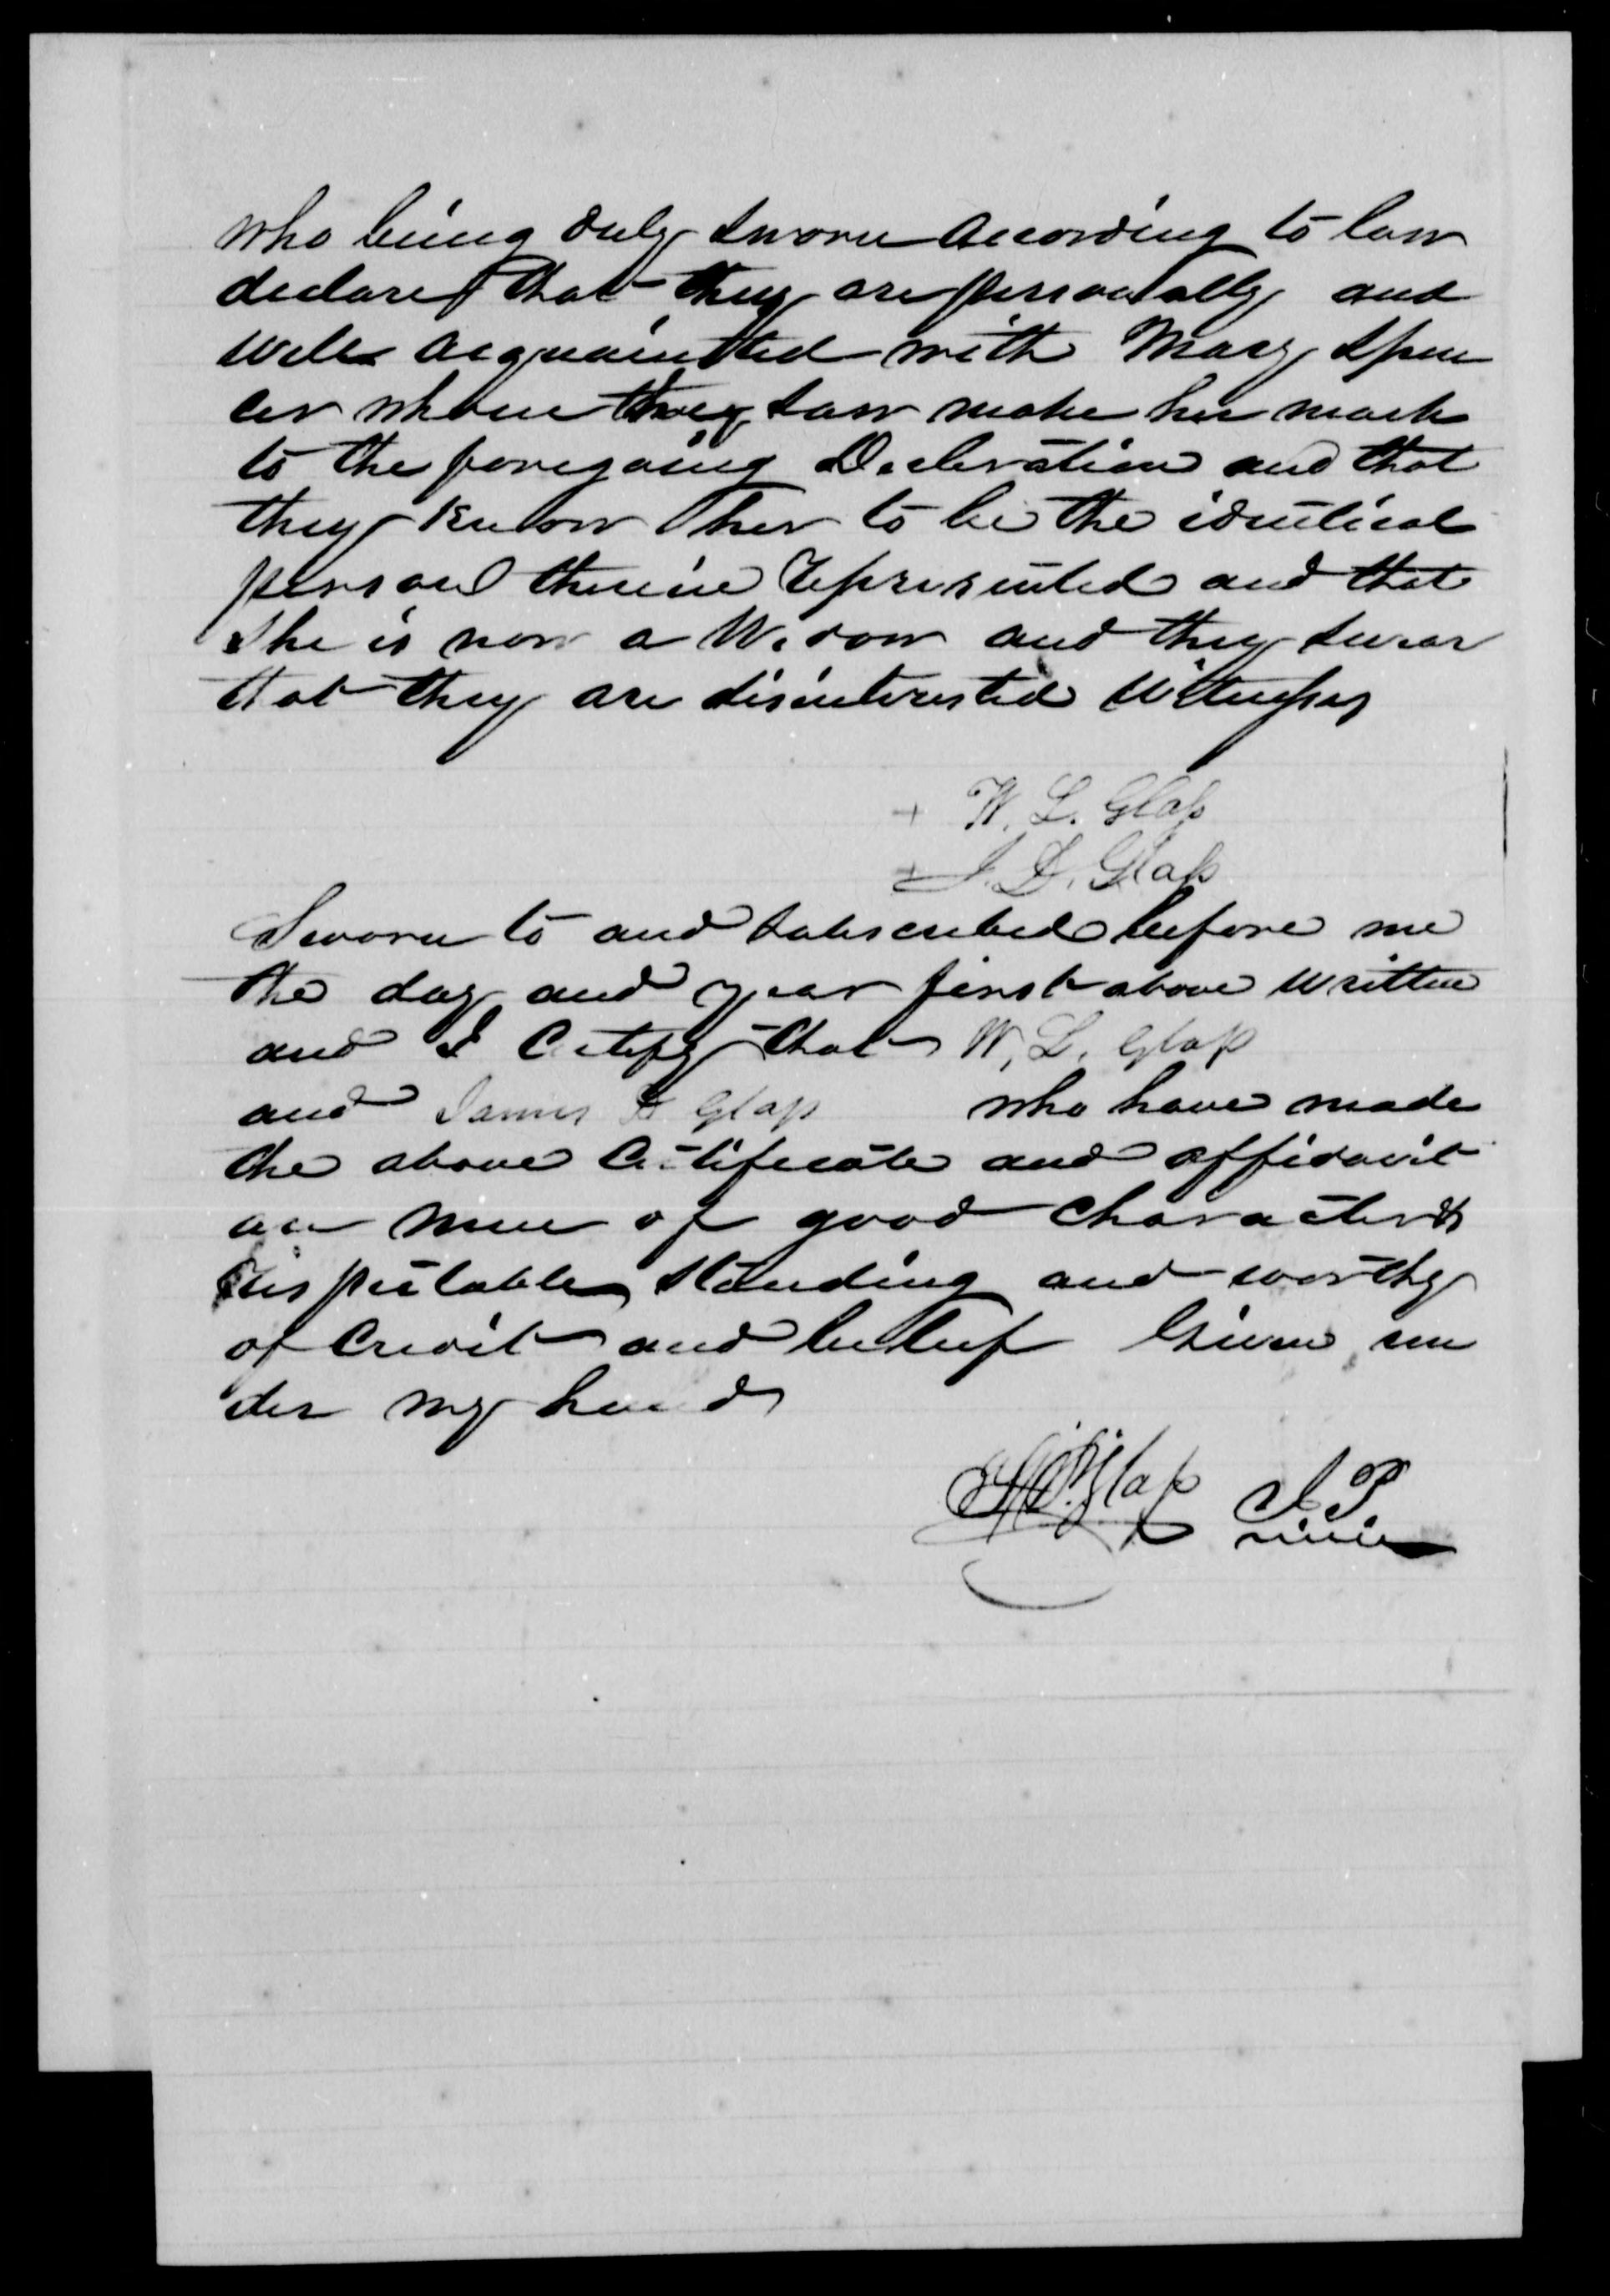who being duly sworn according to law
declare that they are personally and
well acquainted with Mary Spencer as
whom they saw make her mark
to the foregoing Declaration and that
they know her to be the identical
person therein represented and that
she is now a widow and they swear
that they are disinterested witnesses
W.L. Glass
J.D. Glass
Sworn to and subscribed before me
the day and year first above written
and I certify that W.L. Glass and
James H Glass
who have made
the above certificate and affidavit
a men of good character &
Respectable standing and worthy
of Credit and belief Given in
der my hand
F P Glass
-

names: James D Glass; W L Glass; Mary Spencer; F P Glass; W L Glass; J D Glass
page: 20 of 63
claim: widow's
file: W. 6158, for Benjamin Spencer, North Carolina